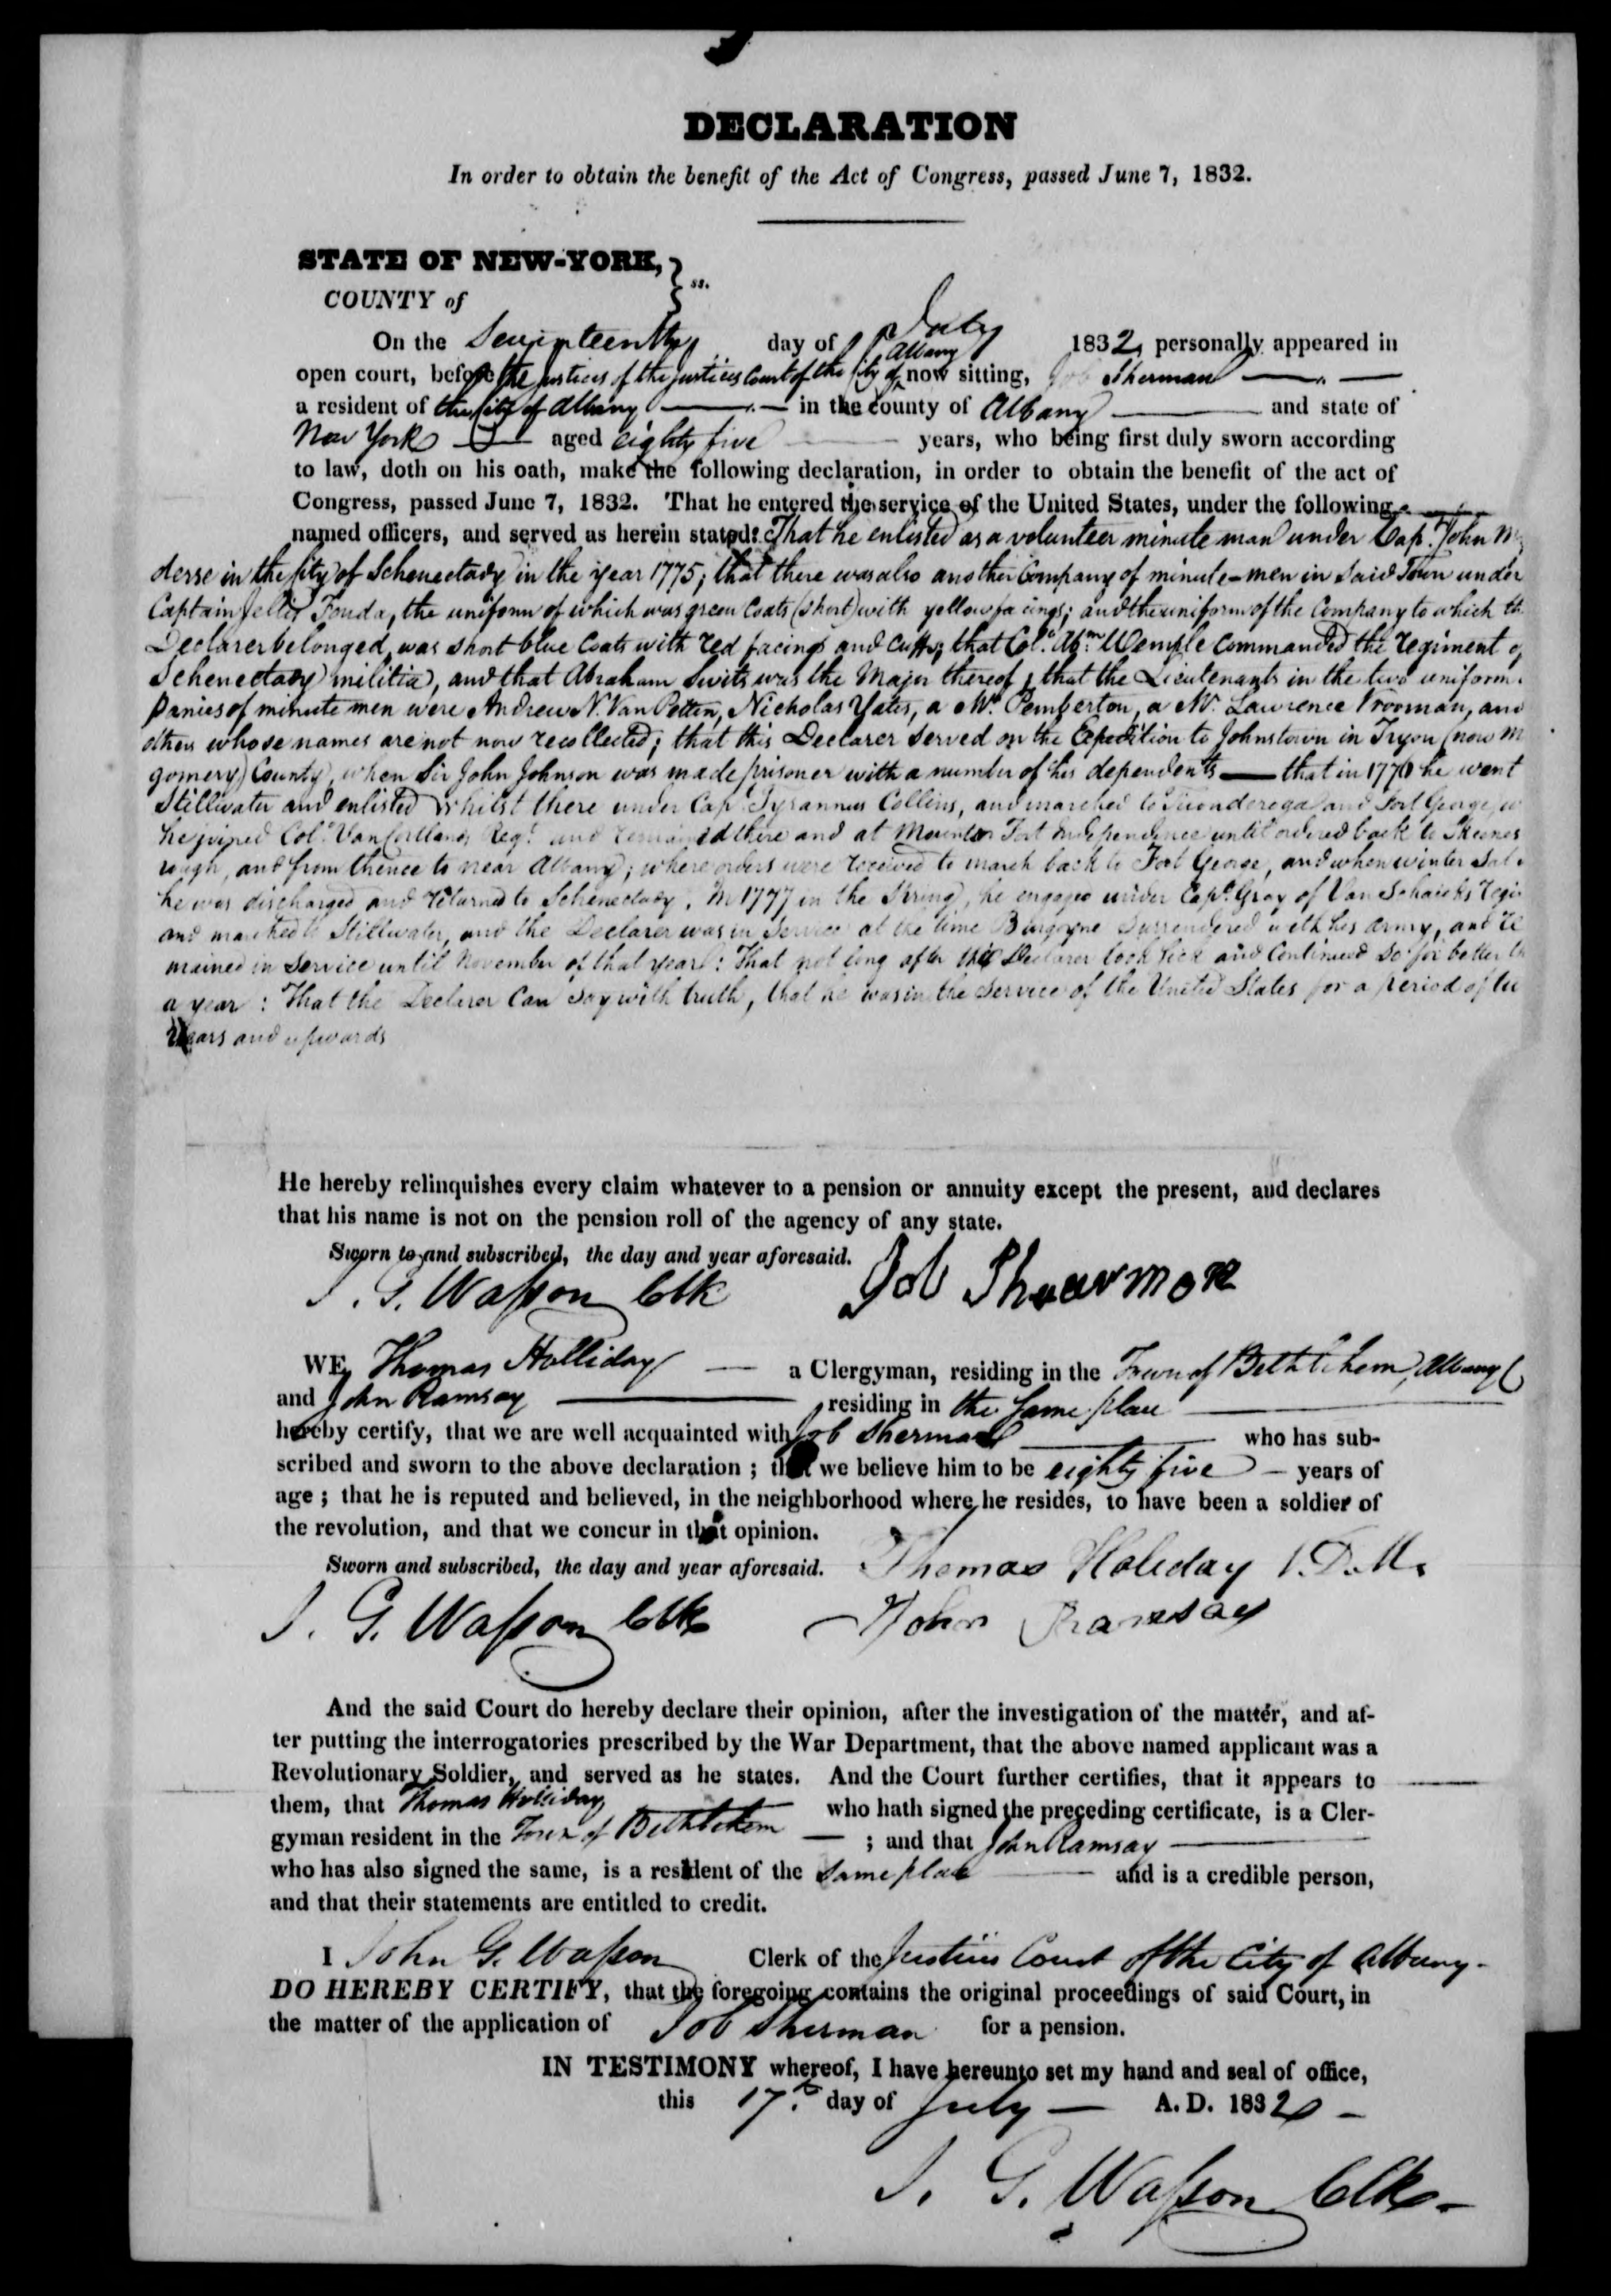[doc is printed, written & damaged]

DECLARATION
In order to obtain the benefit of the Act of Congress, passed June 7, 1832.

STATE OF NEW YORK}
COUNTY of} ss
On the Seventeenth day of July 1832, personally appeared in
open court, before the Justices of the Justices Court of the City of Albany [word inserted] now sitting, Job Sherman
a resident of the city of Albany in the County of Albany and state of
New York aged eighty five years, who being first duly sworn according
to law, doth on his oath, make the following declaration, in order to obtain the benefit of the act of
Congress, passed June 7, 1832. That he entered the service of the United States, under the following
named officers, and served as herein stated. That he enlisted as a volunteer minuteman under Cap John M[torn]
derse in the City of Schenectady in the year 1775; that there was also another company of minutemen in said Town under
Captain Jellis Fonda, the uniform of which was green coats (short) with yellow facings; and the uniform of the company to which the
Declarer belonged was short blue coats with red facings and cuffs that Colo. Abnr Wemple Commanded the Regiment of
Schenectady militia, and that Abraham Swits was the Major thereof, that the Lieutenants in the two uniformed [torn]
panies of minutemen were Andrew N. Van Patten, Nicholas Yates, a W. Pemberton, a W. Lawrence Vrooman, and
others whose names are not now recollected; that this Declarer served on the Expedition to Johnstown in Tryon (now M[torn]
gomery) County when Sir John Johnson was made prisoner with a number of his dependents---that in 1776 he went
Stillwater and enlisted whilst there under Cap Tyrannus Collins, and marched to Ticonderoga and Fort George w[torn]
he joined Colo Van Cortlands Regt. and remained there and at M[illegible] Fort Independence until ordered back to Skenes
rough, and from thence to near Albany; where orders were received to march back to Fort George, and when winter sat[torn]
he was discharged and returned to Schenectady. In 1777 in the spring, he engaged under Capt Gray of Van Schaicks Regi[torn]
and marched to Stillwater, and the Declarer was in service at the time Burgoyne Surrendered with his army, and W[torn]
mained in service until November of that year; That not long after the Declarer took sick and Continued so for better th[torn]
a year; That the Declarer Can say with truth, that he was in the service of the United States for a period of tw[torn]
years and upwards

He hereby relinquishes every claim whatever to a pension or annuity except the present, and declares
that his name in not on the pension roll of the agency of any state.
Sworn to and subscribed, the day and year aforesaid.
J. G. Wasson   Clk   Job Shearmon

We, Thomas Holliday a Clergyman, residing in the Town of Bethlehem, Albany C[torn]
and John Ramsay residing in the same place
hereby certify, that we are well acquainted with Job Sherman who has sub-
scribed and sworn to the above declaration; that we believe him to be eighty five years of
age; that he is reputed and believed, in the neighborhood where he resides, to have been a soldier of
the revolution, and that we concur in that opinion.
Sworn and subscribed, the day and year aforesaid.  Thomas Holliday  V Patts
J. G. Wasson  Clk    John Ramsay

And the said Court do hereby declare their opinion, after the investigation of the matter, and af-
ter putting the interrogatories prescribed by the War Department, that the above named applicant was a
Revolutionary Soldier, and served as he states. And the Court further certifies, that it appears to
them, that Thomas Holliday who hat signed the preceding certificate, is a Cler-
gyman resident in the Town of Bethlehem; and that John Ramsay
who has also signed the same, is a resident of the same place and is a credible person,
and that their statements are entitled to credit

I John G. Wasson Clerk of the Justices Court of the City of Albany
DO HEREBY CERTIFY, that the foregoing contains the original proceedings of said Court, in
the matter of the application of Job Sherman for a pension.
IN TESTIMONY whereof, I have hereunto set my hand and seal of office,
this 17th day of July A.
D. 1832
J. G. Wasson   Clk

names: [BLANK] Gray; Thomas Holiday; John Ramsay; John Munderse; [BLANK] Pemberton; Job Sherman; J G Wasson; [BLANK] Lawrence; J G Wasson; Job Shearmon; Abraham Switz; Thomas Holliday; [BLANK] Burgoyne; J G Wasson; Tyrannus Collins; Wm Wemple; Nicholas Yates; John G Wasson; John Johnson; Job Sherman; Thomas Holliday; Job Sherman; John Ramsay; Jellis Fonda; John Ramsay; [BLANK] Vrooman; Andrew N Van Petten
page: 3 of 10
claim: survivor's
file: S. 28,874, for Job Shearmon, New York